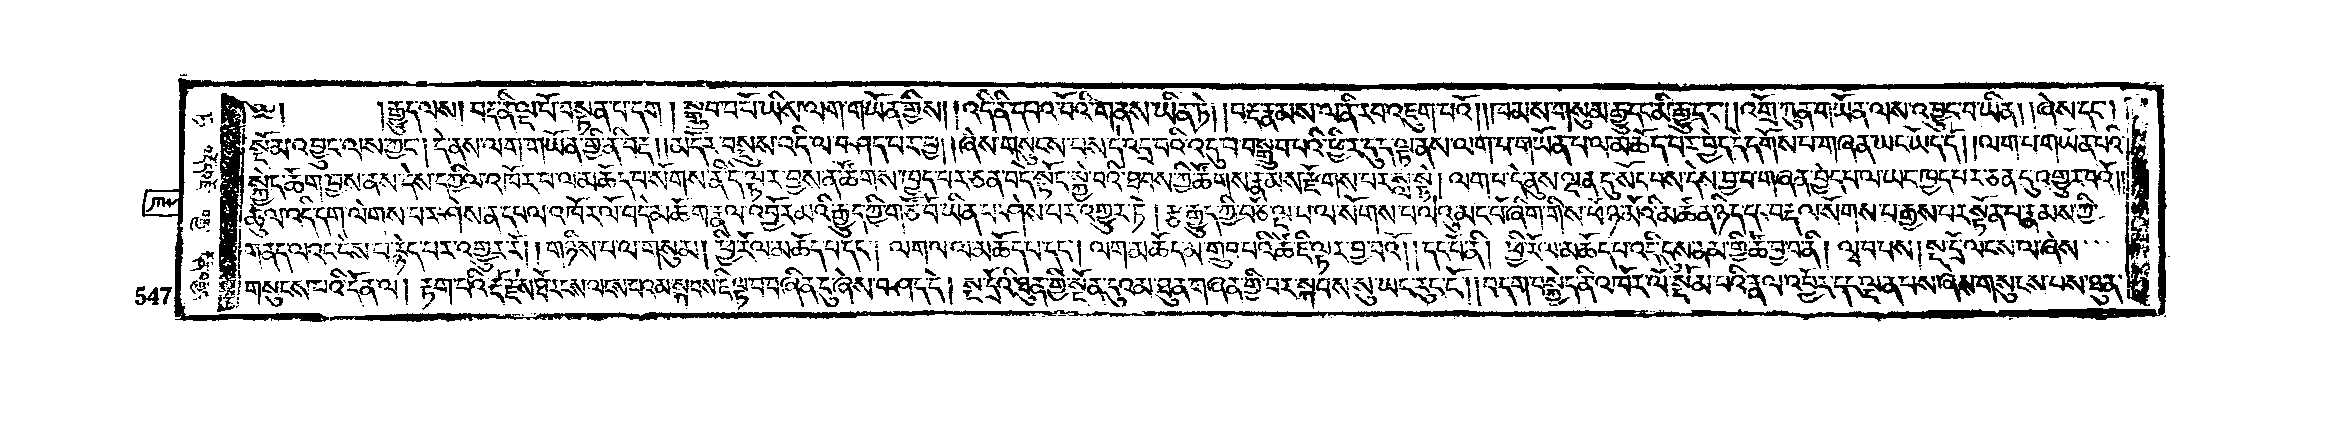༄༅། །རྒྱུད་ལས། བརྡ་ནི་ལྔ་པོ་བསྟན་པ་དག །སྒྲུབ་པ་པོ་ཡིས་ལག་གཡོན་གྱིས། །འདི་ནི་དཔའ་བོའི་གནས་ཡིན་ཏེ། །བརྡ་རྣམས་ལ་ནི་རབ་འཇུག་པའོ། །ཁམས་གསུམ་རྒྱུ་དང་མི་རྒྱུ་དང་། །འགྲོ་ཀུན་གཡོན་ལས་འབྱུང་བ་ཡིན། །ཞེས་དང་།
སྡོམ་འབྱུང་ལས་ཀྱང་། ད་ནས་ལག་གཡོན་གྱི་ནི་བརྡ། །མདོར་བསྡུས་འདི་ལ་བཤད་པར་བྱ། །ཞེས་གསུངས་པས་དེ་འདྲ་བའི་འདུ་བ་བསྒྲུབ་པའི་ཕྱིར་དུ་ད་ལྟ་ནས་ལག་པ་གཡོན་པ་ལ་མཆོད་པར་བྱེད་དེ་དགོས་པ་གཞན་ཡང་ཡོད་དོ། །ལག་པ་གཡོན་པའི་
སྐྱེད་ཆོག་བྱས་ནས་དེས་དཀྱིལ་འཁོར་པ་ལ་མཆོད་པ་སོགས་ནི་དེ་ལྟར་བྱས་ན་ཚོགས་ཁྱད་པར་ཅན་བདེ་སྟོང་སྐྱེ་བའི་ཐབས་ཀྱི་ཚོགས་རྣམས་རྫོགས་པར་སླ་སྟེ། ལག་པ་དེ་ནུས་ལྡན་དུ་སོང་བས་དེས་བྱ་བ་གཞན་བྱེད་པ་ལ་ཡང་ཁྱད་པར་ཅན་དུ་འགྱུར་བའོ། །
ཚུལ་འདི་དག་ལེགས་པར་ཤེས་ན་དཔལ་འཁོར་ལོ་བདེ་མཆོག་རྣལ་འབྱོར་མའི་རྒྱུད་ཀྱི་གཙོ་བོ་ཡིན་པ་ཤེས་པར་འགྱུར་ཏེ། རྩ་རྒྱུད་ཀྱི་བཅོ་ལྔ་པ་ལ་སོགས་པ་ལེའུ་མང་པོ་ཞིག་གིས་ཕོ་ཉ་མོའི་མཚན་ཉིད་དང་བརྡ་ལ་སོགས་པ་རྒྱས་པར་སྟོན་པ་རྣམས་ཀྱི་
གནད་ལའང་ངེས་པ་རྙེད་པར་འགྱུར་རོ། །གཉིས་པ་ལ་གསུམ། ཕྱི་རོལ་མཆོད་པ་དང་། ལག་མ་ལ་མཆོད་པ་དང་། ལག་མཆོད་མ་གྲུབ་པའི་ཚེ་ཇི་ལྟར་བྱ་བའོ། །དང་པོ་ནི། ཕྱི་རོལ་མཆོད་པ་འདི་དུས་ནམ་གྱི་ཚེ་བྱ་བ་ནི། ལྭ་བ་པས། སྔ་དྲོ་ལངས་ལ་ཞེས་
གསུངས་པའི་དོན་ལ། རྟག་པའི་རྡོ་རྗེས་ཐོ་རངས་ལངས་པའམ་སྐབས་ཇི་ལྟ་བ་བཞིན་དུ་ཞེས་བཤད་དེ། སྔ་དྲོའི་ཐུན་གྱི་སྔོན་དུའམ་ཐུན་གཞན་གྱི་བར་སྐབས་སུ་ཡང་རུང་ངོ། །བདག་བསྐྱེད་ནི་འཁོར་ལོ་སྡོམ་པའི་རྣལ་འབྱོར་དང་ལྡན་པས་ཞེས་གསུངས་པས་ཐུན་